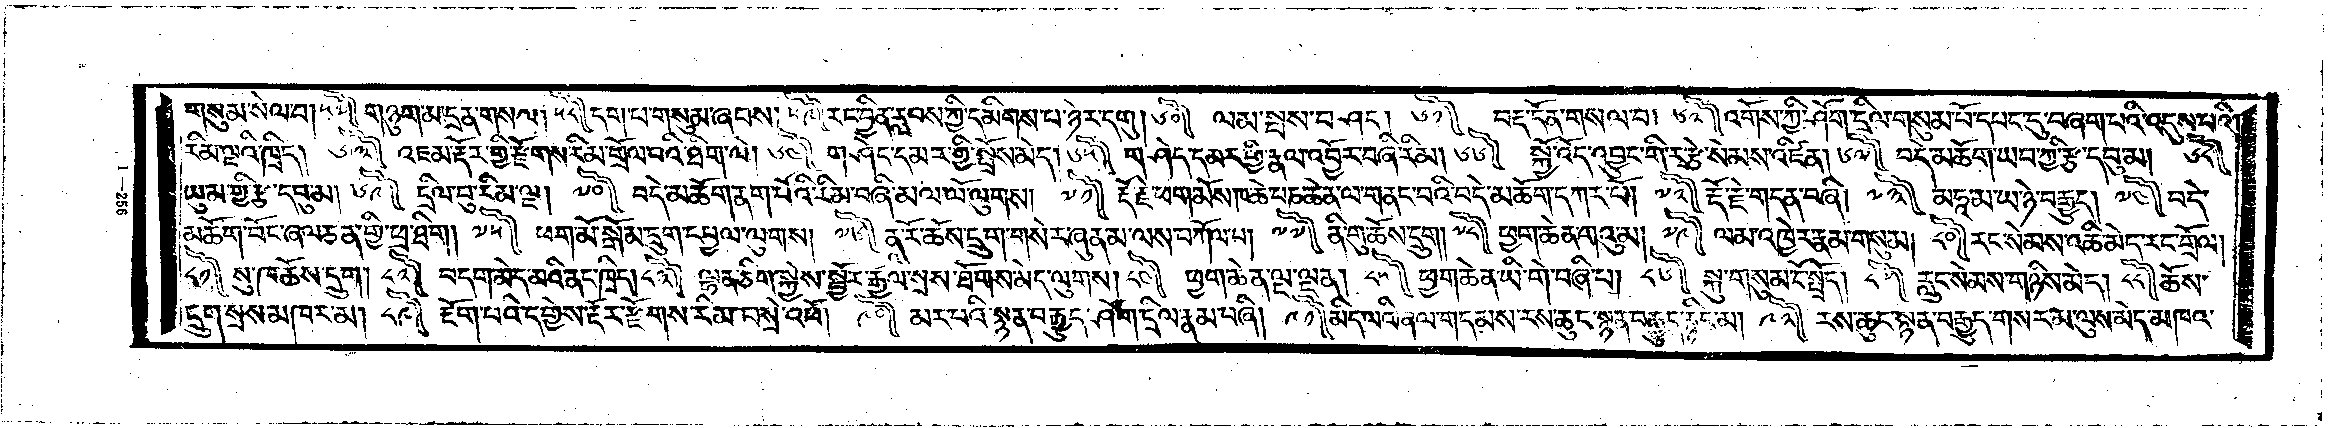གསུམ་སེལ་བ། ༥༧༼༽ གཉུག་མ་དྲན་གསལ། ༥༨༼༽ དག་པ་གསུམ་ཞབས། ༥༩༼༽ རང་བྱིན་རླབས་ཀྱི་དམིགས་པ་ཉེར་དགུ། ༦༠༼༽ ལམ་སྦས་བཤད། ༦༡༼༽ བརྡ་དོན་གསལ་བ། ༦༢༼༽ འགོས་ཀྱི་ཤོག་དྲིལ་གསུམ་པོ་དབང་དུ་བཞག་པའི་འདུས་བའི་
རིམ་ལྔའི་ཁྲིད། ༦༣༼༽ འཇམ་རྡོར་གྱི་རྫོགས་རིམ་གྲོལ་བའི་ཐིག་ལེ། ༦༤༼༽ གཤེད་དམར་གྱི་སྤྲོས་མེད། ༦༥༼༽ གཤེད་དམར་ཕྱི་རྣལ་འབྱོར་བཞི་རིམ། ༦༦༼༽ སྐྱོ་འོད་འབྱུང་གི་བརྩེ་སེམས་འཛིན། ༦༧༼༽ བདེ་མཆོག་ཡབ་ཀྱི་རྩ་དབུ་མ། ༦༨༼༽
ཡུམ་གྱི་རྩ་དབུ་མ། ༦༩༼༽ དྲིལ་བུ་རིམ་ལྔ། ༧༠༼༽ བདེ་མཆོག་ནག་པོའི་རིམ་བཞི་མལ་ལོ་ལུགས། ༧༡༼༽ རྡོ་རྗེ་ཕག་མོས་ཁ་ཆེ་པཎ་ཆེན་ལ་གནང་བའི་བདེ་མཆོག་དཀར་པོ། ༧༢༼༽ རྡོ་རྗེ་གདན་བཞི། ༧༣༼༽ མཧཱ་མ་ཡ་ཉེ་བརྒྱུད། ༧༤༼༽ བདེ་
མཆོག་བོང་ཞལ་ཅན་གྱི་ཕྲ་ཐིག། ༧༥༼༽ ཕག་མོ་སྒོམ་དྲུག་དཔྱལ་ལུགས། ༧༦༼༽ ནཱ་རོ་ཆོས་དྲུག་གསེར་ཞུན་མ་ལས་བཀོལ་པ། ༧༧༼༽ ནི་གུ་ཆོས་དྲུག། ༧༨༼༽ ཕྱག་ཆེན་གའུམ། ༧༩༼༽ ལམ་འཁྱེར་རྣམ་གསུམ། ༨༠༼༽ རང་སེམས་འཆི་མེད་རང་གྲོལ།
༨༡༼༽ སུ་ཁ་ཆོས་དྲུག། ༨༢༼༽ བདག་མེད་མའི་ནང་ཁྲིད། ༨༣༼༽ ལྷན་ཅིག་སྐྱེས་སྦྱོར་རྒྱལ་སྲས་ཐོགས་མེད་ལུགས། ༨༤༼༽ ཕྱག་ཆེན་ལྔ་ལྡན། ༨༥༼༽ ཕྱག་ཆེན་ཡི་གེ་བཞི་པ། ༨༦༼༽ སྐུ་གསུམ་ངོ་སྤྲོད། ༨༧༼༽ རླུང་སེམས་གཉིས་མེད། ༨༨༼༽ ཆོས་
དྲུག་སྲས་མཁར་མ། ༨༩༼༽ རྔོག་པའི་དགྱེས་རྡོར་རྫོགས་རིམ་བསྲེ་འཕོ། ༩༠༼༽ མར་པའི་སྙན་བརྒྱུད་ཤོག་དྲིལ་རྣམ་བཞི། ༩༡༼༽ མིད་ལའི་ཞལ་གདམས་རས་ཆུང་སྙན་བརྒྱུད་སྙིང་མ། ༩༢༼༽ རས་ཆུང་སྙན་བརྒྱུད་གསར་མ་ལུས་མེད་མཁའ་